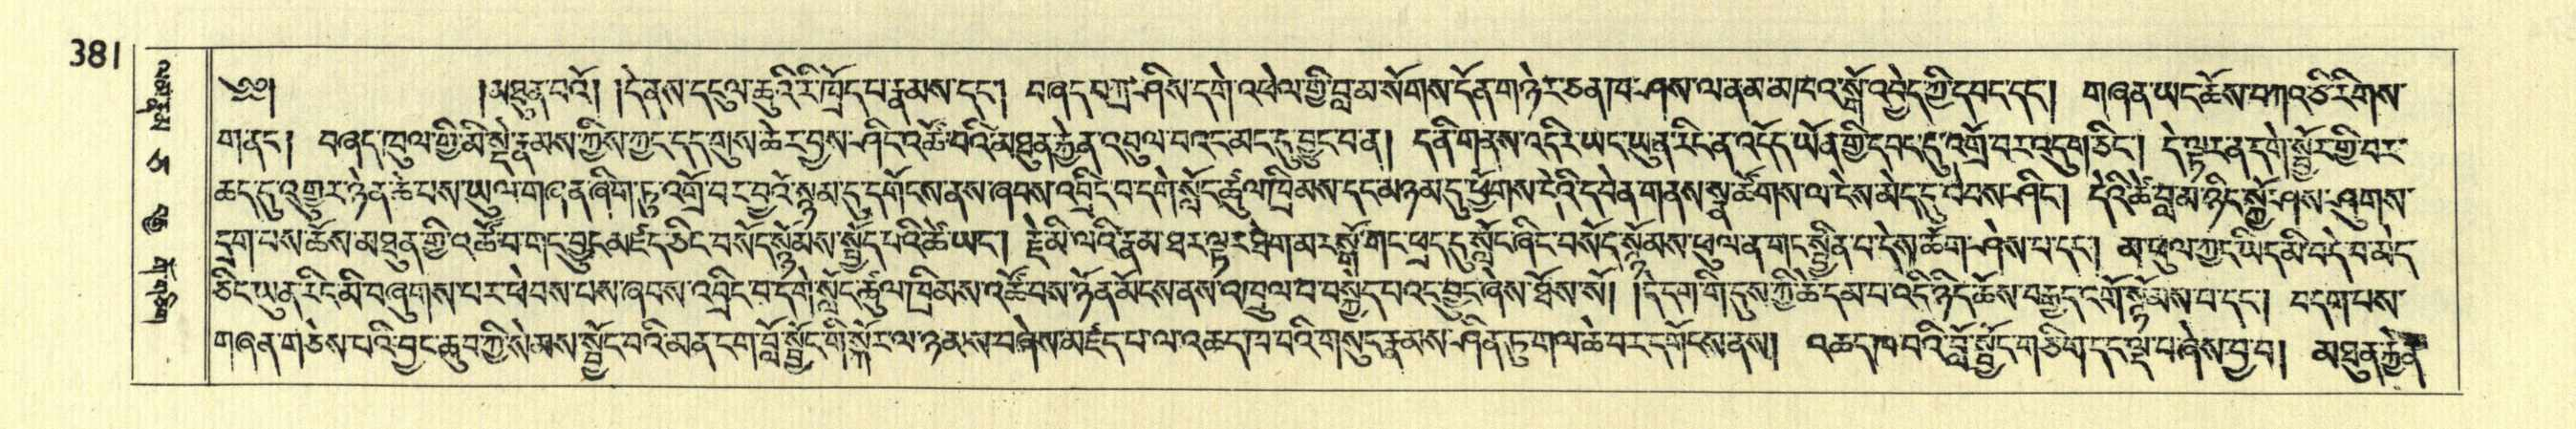༄༅། །མཐུན་བའོ། །དེ་ནས་དངུལ་ཆུའི་རི་ཁྲོད་པ་རྣམས་དང་། བཞད་བཀྲ་ཤིས་དགེ་འཕེལ་གྱི་བླ་མ་སོགས་དོན་གཉེར་ཅན་ཁ་ཤས་ལ་ནམ་མཁའ་སྒོ་འབྱེད་ཀྱི་དབང་དང་། གཞན་ཡང་ཆོས་བཀའ་ཅི་རིགས་
གནང་། བཞད་ཁུལ་གྱི་མི་སྡེ་རྣམས་ཀྱིས་ཀྱང་དད་གུས་ཆེར་བྱས་ཤིང་འཚོ་བའི་མཐུན་རྐྱེན་འབུལ་བའང་མང་དུ་བྱུང་བ་ན། ད་ནི་གནས་འདིར་ཡང་ཡུན་རིང་ན་འདོད་ཡོན་གྱི་དབང་དུ་འགྲོ་བར་འདུག་ཅིང་། དེ་ལྟར་ན་དགེ་སྦྱོར་གྱི་བར་
ཆད་དུ་འགྱུར་ཉེན་ཆེ་པས་ཡུལ་གཞན་ཞིག་ཏུ་འགྲོ་བར་བྱའོ་སྙམ་དུ་དགོངས་ནས་ཞབས་འབྲིང་བ་དགེ་སློང་ཚུལ་ཁྲིམས་དང་མཉམ་དུ་ཕྱོགས་དེའི་དབེན་གནས་སྣ་ཚོགས་ལ་ངེས་མེད་དུ་བེབས་ཤིང་། དེའི་ཚེ་བླ་མ་ཉིད་སྐྱོ་ཤས་ཤུགས་
དྲག་པས་ཆོས་མཐུན་གྱི་འཚོ་བ་གང་བྱུང་མཛད་ཅིང་བསོད་སྙོམས་སྤྱོད་པའི་ཚེ་ཡང་། རྗེ་མི་ལའི་རྣམ་ཐར་ལྟར་ཐེག་མར་སྒོ་གང་ཕྲད་དུ་སློང་ཞིང་བསོད་སྙོམས་ཕུལ་ན་གང་སྦྱིན་པ་དེས་ཆོག་ཤེས་པ་དང་། མ་ཕུལ་ཀྱང་ཡིད་མི་བདེ་བ་མེད་
ཅིང་ཡུན་རིང་མི་བཞུགས་པར་ཕེབས་པས་ཞབས་འབྲིང་བ་དགེ་སློང་ཚུལ་ཁྲིམས་འཚོ་བས་ཉོན་མོངས་ནས་འཁྲུལ་བ་བསྐྱེད་པའང་བྱུང་ཞེས་ཐོས་སོ། །དེ་དག་གི་དུས་ཀྱི་ཚེ་དམ་པ་འདི་ཉིད་ཆོས་བརྒྱད་འོག་སྙོམས་པ་དང་། བདག་པས་
གཞན་གཅེས་པའི་བྱང་ཆུབ་ཀྱི་སེམས་སྦྱོང་བའི་མན་ངག་བློ་སྦྱོང་གི་སྐོར་ལ་ཉམས་བཞེས་མཛད་པ་ལ་འཆད་ཁ་བའི་གསུང་རྣམས་ཤིན་ཏུ་གལ་ཆེ་བར་དགོངས་ནས། འཆད་ཁ་བའི་བློ་སྦྱོང་གཅིག་དང་ལྔ་པ་ཞེས་བྱ་བ། མཐུན་རྐྱེན་